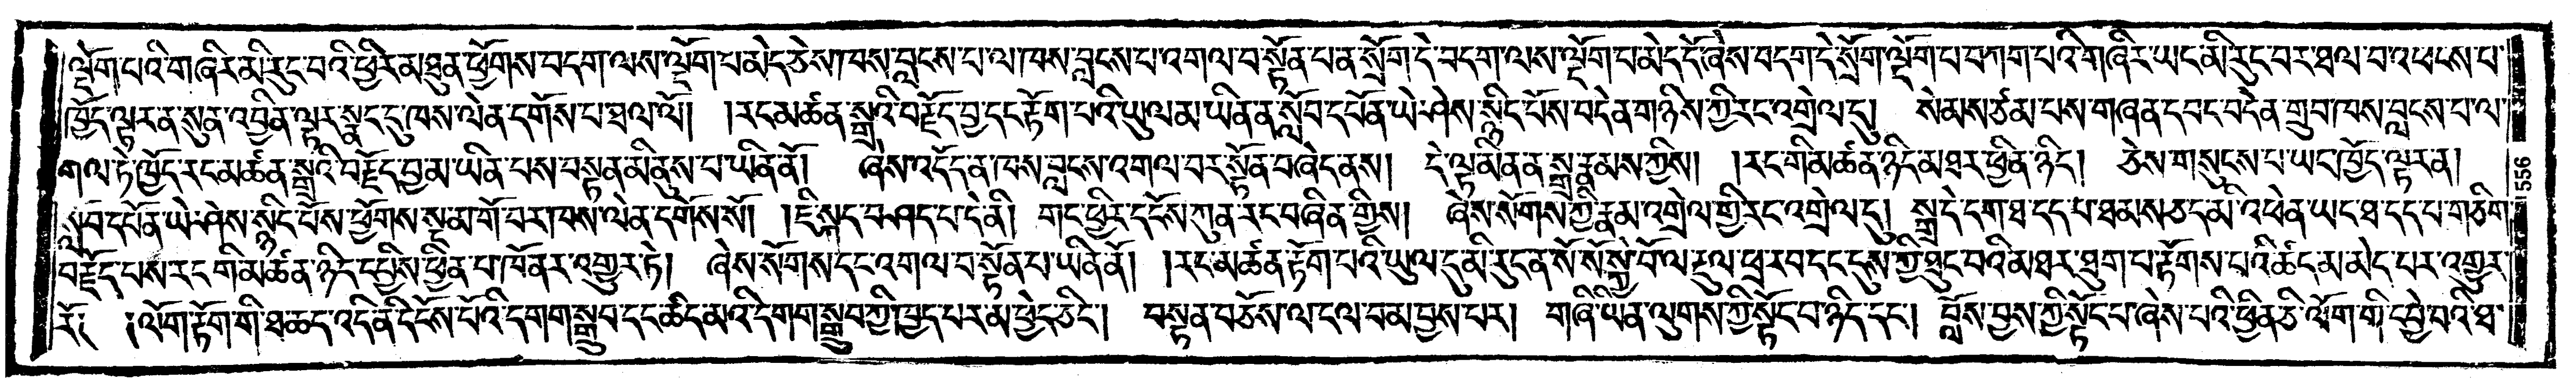ལྡོག་པའི་གཞིར་མི་རུང་བའི་ཕྱིར་མཐུན་ཕྱོགས་བདག་ལས་ལྡོག་པ་མེད་ཅེས་ཁས་བླངས་པ་ལ་ཁས་བླངས་པ་འགལ་བ་སྟོན་པ་ན་སྲོག་དེ་བདག་ལས་ལྡོག་པ་མེད་དོ་ཞེས་བདག་དེ་སྲོག་ལྡོག་པ་བཀག་པའི་གཞིར་ཡང་མི་རུང་བར་ཐལ་བ་འཕངས་པ་
ཁྱོད་ལྟར་ན་སུན་འབྱིན་ལྟར་སྣང་དུ་ཁས་ལེན་དགོས་པ་ཐལ་ལོ། །རང་མཚན་སྒྲའི་བརྗོད་བྱ་དང་རྟོག་པའི་ཡུལ་མ་ཡིན་ན་སློབ་དཔོན་ཡེ་ཤེས་སྙིང་པོས་བདེན་གཉིས་ཀྱི་རང་འགྲེལ་དུ། སེམས་ཙམ་པས་གཞན་དབང་བདེན་གྲུབ་ཁས་བླངས་པ་ལ་
གལ་ཏེ་ཁྱོད་རང་མཚན་སྒྲའི་བརྗོད་བྱ་མ་ཡིན་པས་བསྟན་མི་ནུས་པ་ཡིན་ནོ། ཞེས་འདོད་ན་ཁས་བླངས་འགལ་བར་སྟོན་བཞེད་ནས། དེ་ལྟ་མིན་ན་སྒྲ་རྣམས་ཀྱིས། །རང་གི་མཚན་ཉིད་མཐར་ཕྱིན་ཉིད། ཅེས་གསུངས་པ་ཡང་ཁྱོད་ལྟར་ན།
སློབ་དཔོན་ཡེ་ཤེས་སྙིང་པོས་ཕྱོགས་སྔ་མ་གོ་བར་ཁས་ལེན་དགོས་སོ། །ཇི་སྐད་བཤད་པ་དེ་ནི། གང་ཕྱིར་དངོས་ཀུན་རང་བཞིན་གྱིས། ཞེས་སོགས་ཀྱི་རྣམ་འགྲེལ་གྱི་རང་འགྲེལ་དུ། སྒྲ་དེ་དག་ཐ་དད་པ་ཐམས་ཅད་མི་འཕེན་ཡང་ཐ་དད་པ་གཅིག་
བརྗོད་པས་རང་གི་མཚན་ཉིད་དཔྱིས་ཕྱིན་པ་ཁོ་ནར་འགྱུར་ཏེ། ཞེས་སོགས་དང་འགལ་བ་སྟོན་པ་ཡིན་ནོ། །རང་མཚན་རྟོག་པའི་ཡུལ་དུ་མི་རུང་ན་སོ་སོ་སྐྱེ་བོ་ལ་རྡུལ་ཕྲ་རབ་དང་དུས་ཀྱི་ཐུང་བའི་མཐར་ཐུག་པ་རྟོགས་པའི་ཚད་མ་མེད་པར་འགྱུར་
རོ༑ ༑ལོག་རྟོག་གི་ཐ་ཆད་འདི་ནི་དངོས་པོའི་དགག་སྒྲུབ་དང་ཚད་མའི་དགག་སྒྲུབ་ཀྱི་ཁྱད་པར་མི་ཕྱེད་ཅིང་། བསྟན་བཅོས་ལ་ངལ་བ་མ་བྱས་པར། གཞི་ཡིན་ལུགས་ཀྱི་སྟོང་བ་ཉིད་དང་། བློས་བྱས་ཀྱི་སྟོང་པ་ཞེས་པའི་ཕྱིན་ཅི་ལོག་གི་དབྱེ་བའི་ཐ་